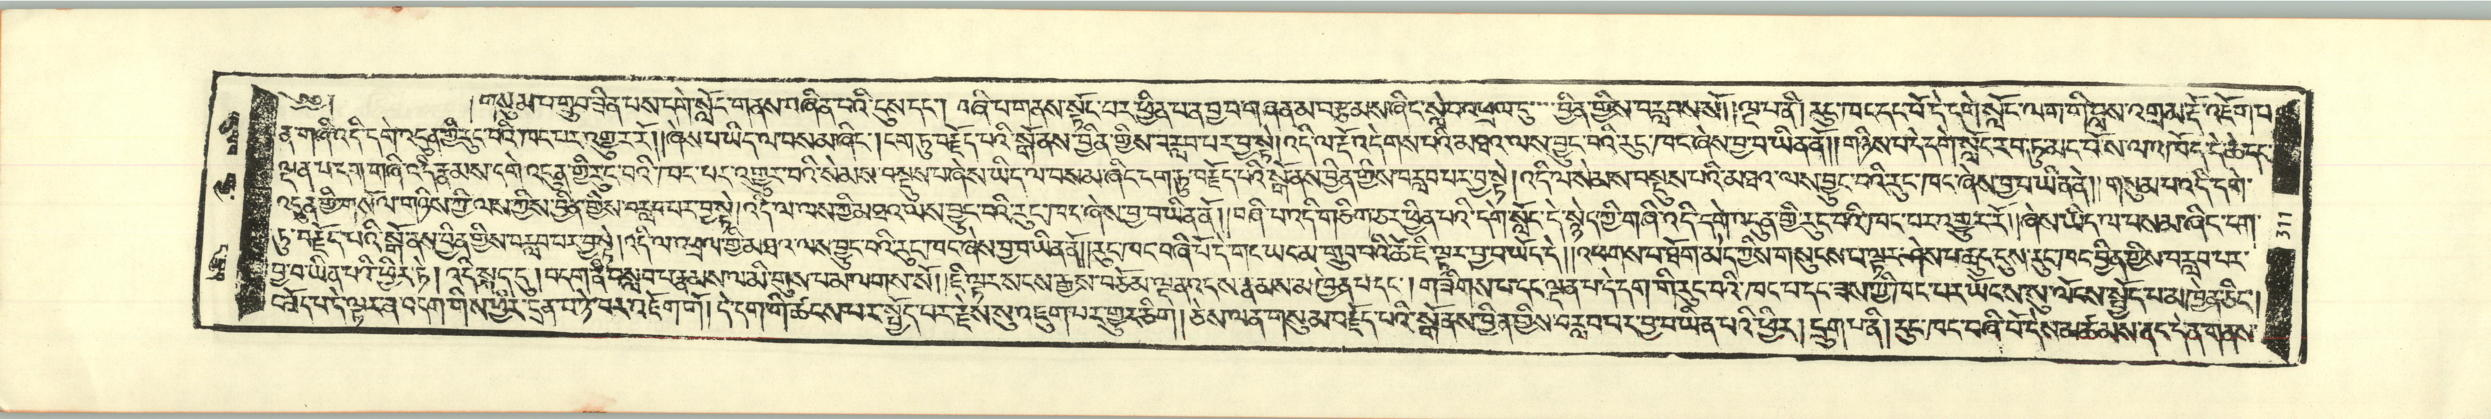༄༅། །གསུམ་པ་གྲུབ་ཟིན་པས་དགེ་སློང་གནས་བཞིན་པའི་དུས་དང་། བཞི་པ་གནས་སྟོང་པར་ཕྱིན་པ་ན་བྱ་བ་གཞན་མ་བརྩམས་ཞིང་སླེབ་འཕྲལ་དུ་བྱིན་གྱིས་བརླབས་སོ། །ལྔ་པ་ནི། རུང་ཁང་དང་པོ་དེ་དགེ་སློང་ལག་གི་བླས་འགྲམ་རྡོ་འཇོག་པ་
ན་གཞི་འདི་དགེ་འདུན་གྱི་རུང་བའི་ཁང་པར་འགྱུར་རོ། །ཞེས་པ་ཡིད་ལ་བསམ་ཞིང་། ངག་ཏུ་བརྗོད་པའི་སྒོ་ནས་བྱིན་གྱིས་བརླབ་པར་བྱ་སྟེ། འདི་ལ་རྡོ་འདེགས་པའི་མཐའ་ལས་བྱུང་བའི་རུང་ཁང་ཞེས་བྱ་བ་ཡིན་ནོ། །གཉིས་པ་དེ་དགེ་སློང་རབ་ཏུ་མང་པོ་ས་ལ་འཁོད་དེ་ཆེ་དང་
ལྡན་པ་དག་གཞི་འདི་རྣམས་དགེ་འདུན་གྱི་རུང་བའི་ཁང་པར་འགྱུར་བའི་སེམས་བསྡུས་པ་ཞེས་ཡིད་ལ་བསམ་ཞིང་ངག་ཏུ་བརྗོད་པའི་སྒོ་ནས་བྱིན་གྱིས་བརླབ་པར་བྱ་སྟེ། འདི་ལ་སེམས་བསྡུས་པའི་མཐའ་ལས་བྱུང་བའི་རུང་ཁང་ཞེས་བྱ་བ་ཡིན་ནེ། །གསུམ་པ་འདི་དགེ་
འདུན་གྱི་གསོལ་གཉིས་ཀྱི་ལས་ཀྱིས་བྱིན་གྱིས་བརླབ་པར་བྱ་སྟེ། འདི་ལ་ལས་ཀྱི་མཐའ་ལས་བྱུང་བའི་རུང་ཁང་ཞེས་བྱ་བ་ཡིན་ནོ། །བཞི་པ་འདི་གཅིག་ཅར་ཕྱིན་པའི་དགེ་སློང་དེ་སྙེད་ཀྱི་གཞི་འདི་དགེ་འདུན་གྱི་རུང་བའི་ཁང་པར་འགྱུར་རོ། །ཞེས་ཡིད་ལ་བསམ་ཞིང་དག་
ཏུ་བརྗོད་པའི་སྒོ་ནས་བྱིན་གྱིས་བརླབ་པར་བྱ་སྟེ། འདི་ལ་འཕྲལ་གྱི་མཐའ་ལས་བྱུང་བའི་རུང་ཁང་ཞེས་བྱ་བ་ཡིན་ནོ། །རུང་ཁང་བཞི་པོ་དེ་གང་ཡང་མ་གྲུབ་པའི་ཚེ་ཇི་ལྟར་བྱ་བ་ཡོད་དེ། འཕགས་པ་ཐོག་མེད་ཀྱིས་གསུངས་པ་ལྟར་ཤེས་པ་ཆུང་དུས་རུང་ཁང་བྱིན་གྱིས་བརླབ་པར་
བྱ་བ་ཡིན་པའི་ཕྱིར་ཏེ། འདི་སྐད་དུ། བདག་ནི་བསླབ་པ་རྣམས་ལ་མི་གུས་པ་མ་ལགས་སོ། །ཇི་ལྟར་སངས་རྒྱས་བཅོམ་ལྡན་འདས་རྣམས་མཁྱེན་པ་དང་། གཟིགས་པ་དང་ལྡན་པ་དེ་དག་གི་རུང་བའི་ཁང་པ་དང་ཟས་ཀྱི་ཁང་པར་ཡོངས་སུ་ལོངས་སྤྱོད་པ་མཁྱེན་ཅིང་།
བཟོད་པ་དེ་ལྟར་ན་བདག་གིས་ཕྱིར་དྲན་པ་ཉེ་བར་འཇོག་གོ །དེ་དག་གི་ཚངས་པར་སྤྱོད་པར་རྗེས་སུ་འཇུག་པར་གྱུར་ཅིག །ཅེས་ལན་གསུམ་བརྗོད་པའི་སྒོ་ནས་བྱིན་གྱིས་བརླབ་པར་བྱ་བ་ཡིན་པའི་ཕྱིར། དྲུག་པ་ནི། རུང་ཁང་བཞི་པོ་དེས་མཚམས་ནང་དེ་ན་གནས་